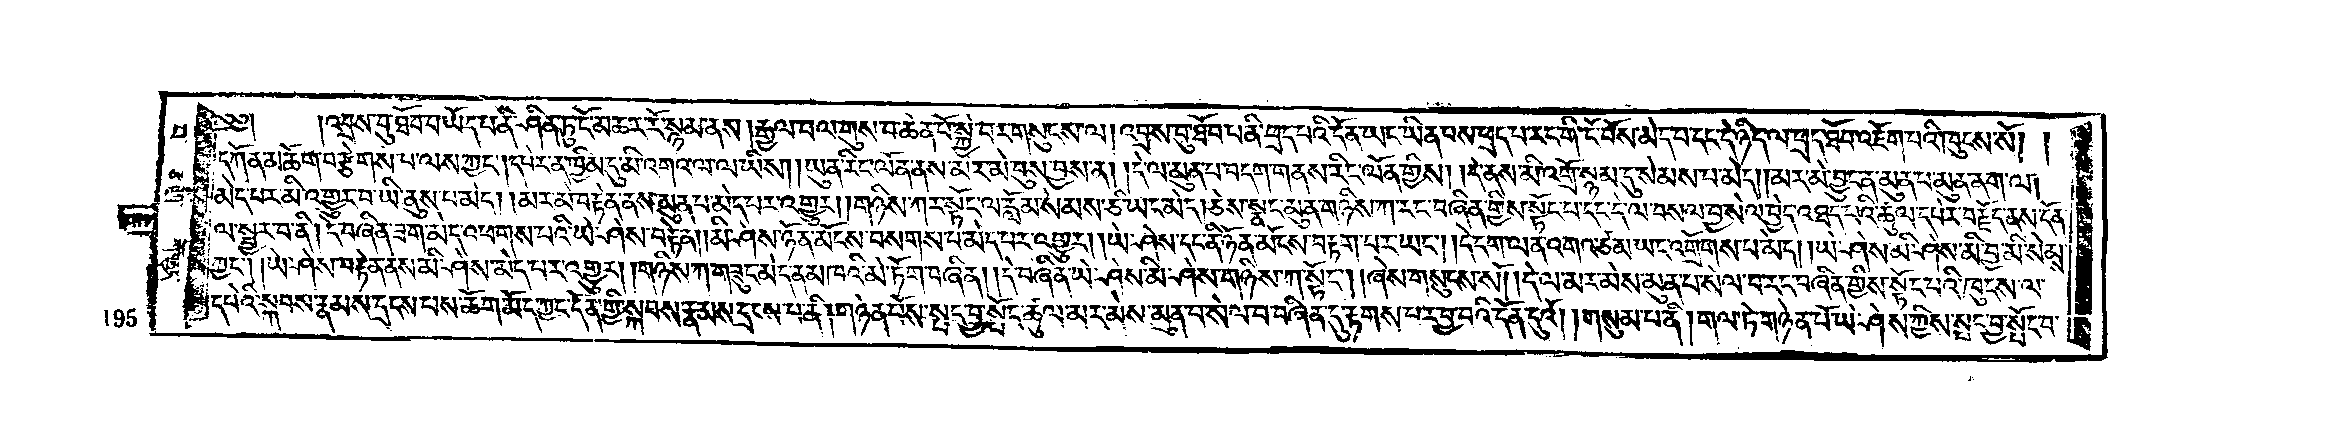༄༅། །འབྲས་བུ་ཐོབ་པ་ཡོད་པ་ནི་ཤིན་ཏུ་ངོ་མཆར་རོ་སྙམ་ནས་།རྒྱལ་པ་ལ་གུས་པ་ཆེན་པོ་སྐྱེ་བར་གསུངས་ལ། འབྲས་བུ་ཐོབ་པ་ནི་ཕྲད་པའི་དོན་ཡང་ཡིན་པས་ཕྲད་པ་རང་གི་ངོ་བོས་མེད་པ་དང་དེ་ཉིད་ལ་ཕྲད་ཐོབ་འཇོག་པའི་ཁུངས་སོ། །
དཀོན་མཆོག་བརྩེགས་པ་ལས་ཀྱང་།དཔེར་ན་ཁྱིམ་དུ་མི་འགའ་ལ་ལ་ཡིས། །ཡུན་རིང་ལོན་ནས་མར་མེ་བུས་བྱས་ན། །དེ་ལ་མུན་པ་བདག་གནས་རིང་ལོན་གྱིས། །དེ་ནས་མི་འགྲོ་སྙམ་དུ་སེམས་པ་མེད། །མར་མེ་བྱུང་ན་མུན་པ་མུན་ནག་ལ༑
མེད་པར་མི་འགྱུར་པ་ཡི་ནུས་པ་མེད། །མར་མེ་བརྟེན་ནས་མུན་པ་མེད་པར་འགྱུར། །གཉིས་ཀར་སྟོང་ལ་རློམ་སེམས་ཅི་ཡང་མེད། ཅེས་སྣང་མུན་གཉིས་ཀ་རང་བཞིན་གྱིས་སྟོང་པ་དང་དེ་ལ་བསལ་བཡ་སེལ་བྱེད་འཐད་པའི་ཚུལ་དཔེར་བརྗོད་ནས་དོན་
ལ་སྦྱར་བ་ནི། དེ་བཞིན་ཟག་མེད་འཕགས་པའི་ཡེ་ཤེས་བརྟེན། །མི་ཤེས་ཉོན་མོངས་བསགས་པ་མེད་པར་འགྱུར། །ཡེ་ཤེས་དང་ནི་ཉོན་མོངས་བརྟག་པར་ཡང་། །དེ་དག་ལན་འགའ་ཅམ་ཡང་འགྲོགས་པ་མེད། །ཡེ་ཤེས་མི་ཤེས་མི་བྱ་མི་སེམས་
ཀྱང་། །ཡེ་ཤེས་བརྟེན་ནས་མི་ཤེས་མེད་པར་འགྱུར། །གཉིས་ཀ་གཟུང་མེད་ནམཁའི་མེ་ཏོག་བཞིན། །དེ་བཞིན་ཡེ་ཤེས་མི་ཤེས་གཉིས་ཀ་སྟོང་། །ཞེས་གསུངས་སོ། །དེ་ལ་མར་མེས་མུན་པ་སེལ་བ་རང་བཞིན་གྱིས་སྟོང་པའི་ཁུངས་ལ་
དཔེའི་སྐབས་རྣམས་དྲངས་པས་ཆོག་མོད་ཀྱང་དོན་གྱི་སྐབས་རྣམས་དྲངས་པ་ནི། གཉེན་པོས་སྤང་བྱ་སྤོང་ཚུལ་མར་མེས་མུན་པ་སེལ་བ་བཞིན་དུ་རྟགས་པར་བྱ་བའི་དོན་དུའོ། །གསུམ་པ་ནི། གལ་ཏེ་གཉེན་པོ་ཡེ་ཤེས་ཀྱིས་སྤང་བྱ་སྤོང་བ་